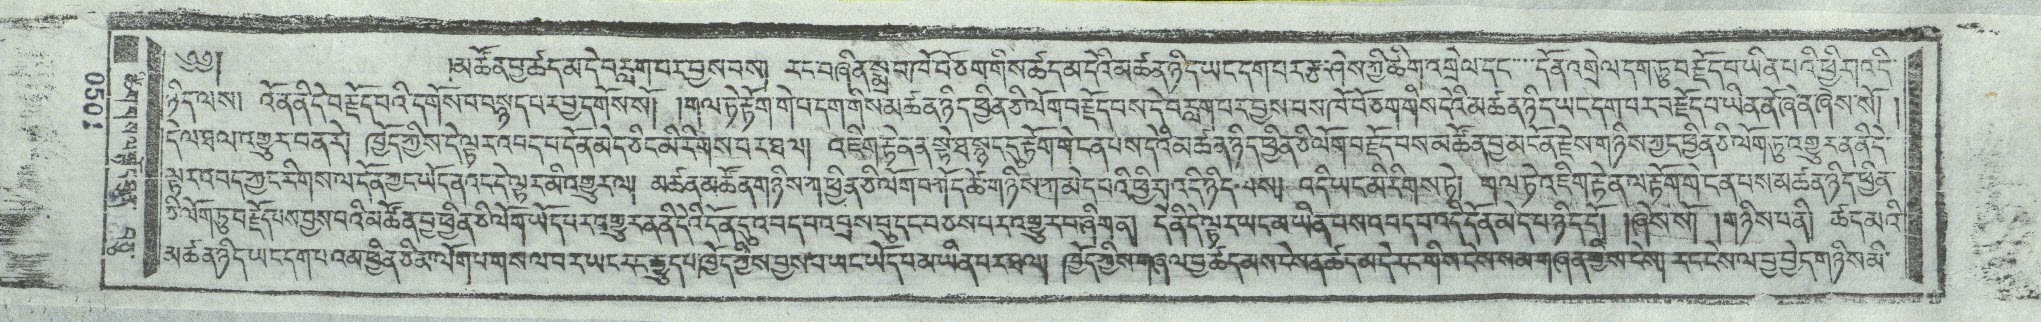༄༅། །མཚོན་བྱ་ཚད་མ་དེ་བརླག་པར་བྱས་པས། རང་བཞིན་སྨྲ་བ་ཁོ་བོ་ཅག་གིས་ཚད་མ་དེའི་མཚན་ཉིད་ཡང་དག་པར་རྩ་ཤེས་ཀྱི་ཚིག་འགྲེལ་དང་དོན་འབྲེལ་དག་ཏུ་བརྗོད་པ་ཡིན་པའི་ཕྱིར། འདི་
ཉིད་ལས། འོན་ནི་དེ་བརྗོད་པའི་དགོས་པ་བསྙད་པར་བྱ་དགོས་སོ། །གལ་ཏེ་རྟོག་གེ་པ་དག་གིས་མཚན་ཉིད་ཕྱིན་ཅི་ལོག་བརྗོད་པས་དེ་བརླག་པར་བྱས་པས་ཁོ་བོ་ཅག་གིས་དེའི་མཚན་ཉིད་ཡང་དག་པར་བརྗོད་པ་ཡིན་ནོ་ཞེན་ཞེས་སོ། །
དེ་ལ་ཐལ་འགྱུར་བ་ན་རེ། ཁྱོད་ཀྱིས་དེ་ལྟར་འབད་པ་དོན་མེད་ཅིང་མི་རིགས་པར་ཐལ། འཇིག་རྟེན་ན་སྟེ་ཐ་སྙད་དུ་རྟོག་གེ་ངན་པས་དེའི་མཚན་ཉིད་ཕྱིན་ཅི་ལོག་བརྗོད་པས་མཚོན་བྱ་མངོན་རྗེས་གཉིས་ཀྱང་ཕྱིན་ཅི་ལོག་ཏུ་འགྱུར་ན་ནི་དེ་
ལྟར་འབད་ཀྱང་རིགས་ལ་དོན་ཀྱང་ཡོད་ནའང་དེ་ལྟར་མི་འགྱུར་ལ། མཚན་མཚོན་གཉིས་ཀ་ཕྱིན་ཅི་ལོག་བཀོད་ཚེ་གཉིས་ཀ་མེད་པའི་ཕྱིར། འདི་ཉིད་ལས། འདི་ཡང་མི་རིགས་ཏེ། གལ་ཏེ་འཇིག་རྟེན་ལ་རྟོག་གེ་ངན་པས་མཚན་ཉིད་ཕྱིན་
ཅི་ལོག་ཏུ་བརྗོད་པས་བྱས་པའི་མཚོན་བྱ་ཕྱིན་ཅི་ལོག་ཡོད་པར་འགྱུར་ན་ནི་དེའི་དོན་དུ་འབད་པ་འབྲས་བུ་དང་བཅས་པར་འགྱུར་བ་ཞིག་ན། དེ་ནི་དེ་ལྟར་ཡང་མ་ཡིན་པས་འབད་པ་འདི་དོན་མེད་པ་ཉིད་དོ། །ཞེས་སོ། །གཉིས་པ་ནི། ཚད་མའི་
མཚན་ཉིད་ཡང་དག་པའམ་ཕྱིན་ཅི་མ་ལོག་པ་གསལ་བར་ཡང་རང་རྒྱུད་པ་ཁྱོད་ཀྱིས་བྱས་པ་ཡང་ཡོད་པ་མ་ཡིན་པར་ཐལ། ཁྱོད་ཀྱིས་གཞལ་བྱ་ཚད་མས་ངེས་ན་ཚད་མ་དེ་རང་གིས་ངེས་སམ་གཞན་གྱིས་ངེས། རང་ངེས་ལ་བྱ་བྱེད་གཉིས་མི་